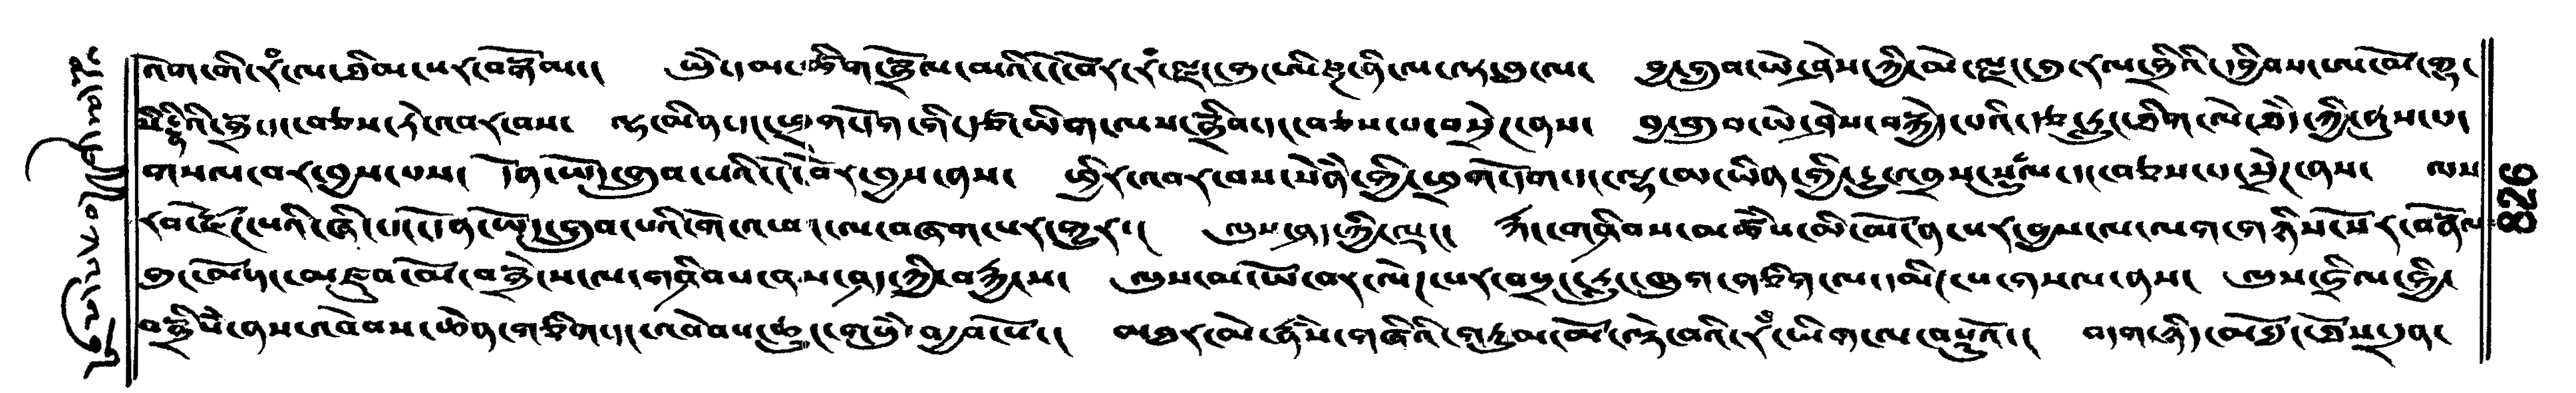འོག་གི་རྃ་ལ་ཐིམ་པར་བསྒོམ། ཡུམ་དམ་ཚིག་སྒྲོལ་མའི་ངོ་བོ་རྃ་ལྗང་གུ་ཨིཎྜ་ནི་ལ་ལྟ་བུ་ལ། བྱ་གྲུབ་ཡེ་ཤེས་ཀྱི་མེ་ལྗང་གུ་རལ་གྲིའི་དབྱིབས་ཨ་མོ་གྷ་
སིདྡྷིའི་སྒྲ་དང་བཅས་ཏེ་འབར་བས། ལྷ་མིན་དང་ཕྲག་དོག་གི་རྩ་ཡིག་ལས་སྒྲིབ་དང་བཅས་པ་བསྲེགས་ནས། བྱ་གྲུབ་ཡེ་ཤེས་བསྐྱེད་པའི་རྩ་རླུང་ཐིག་ལེ་ཐམས་ཅད་ཀྱི་ནུས་པ་
གསལ་བར་བྱས་པས། དོན་ཡོད་གྲུབ་པའི་ངོ་བོར་བྱས་ནས། ཕྱིར་འབར་བས་སེམས་ཅན་གྱི་ཕྲག་དོག་དང་ལྷ་མ་ཡིན་གྱི་རྒྱུ་འབྲས་སྡུག་བསྔལ་དང་བཅས་པ་བསྲེགས་ནས། ལས་
རབ་རྫོགས་པའི་ཞིང་དང་དོན་ཡོད་གྲུབ་པའི་གོ་འཕང་ལ་བཞག་པར་གྱུར། ལུས་ཤེད་ཀྱི་ལྡང་། རྐང་གཤིབས་མཚམས་མི་མངོན་པར་བྱས་ལ་ལག་གཉིས་སོར་བསྣོལ་
གུང་མོ་དང་མཛུབ་མོ་བསྒྲེངས་ལ་གཤིབས་ནས་ཤད་ཀྱི་བརྐྱངས། ལུས་མ་ཡོ་བར་ལེགས་པར་བསྲང་། རླུང་ཁུག་གཅིག་ལ་དམིགས་པ་གསལ་ནས། ལུས་ཧྲིལ་གྱི་
བསྒྲིམ་ནས་འབེབས་ཆེན་གཅིག་དང་འབེབས་ཆུང་གསུམ་བརྒྱབ་པོ། མཐར་མེ་རྣམས་གཞིའི་གཏུམ་མོ་ལྟེ་བའི་རྃ་ཡིག་ལ་བསྡུའོ། བདག་ཉིད་མཐོང་ཐོས་དྲན་